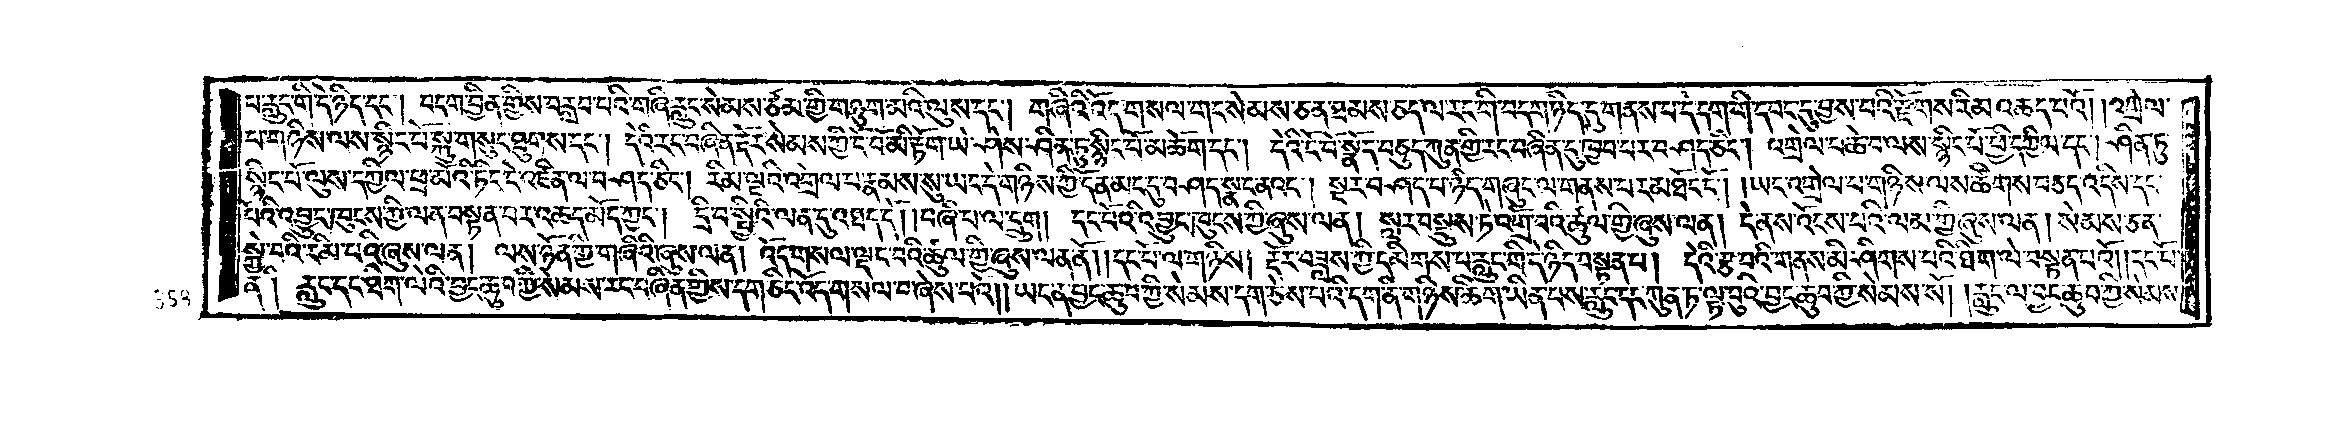པ་རླུང་གི་དེ་ཉིད་དང་། བདག་བྱིན་གྱིས་བརླབ་པའི་གཞི་རླུང་སེམས་ཙམ་གྱི་གཉུག་མའི་ལུས་དང་། གཞིའི་འོད་གསལ་གང་སེམས་ཅན་ཐམས་ཅད་ལ་རང་གི་བདག་ཉིད་དུ་གནས་པ་དེ་དག་གི་དབང་དུ་བྱས་པའི་རྫོགས་རིམ་འཆད་པའོ། །འགྲེལ་
པ་གཉིས་ལས་སྙིང་པོ་སྐུ་གསུང་ཐུགས་དང་། དེའི་རང་བཞིན་རྡོར་སེམས་ཀྱི་ངོ་བོ་མི་རྟོག་ཡེ་ཤེས་ཤིན་ཏུ་སྙིང་པོ་མཆོག་དང་། དེའི་ངོ་བོ་སྣོད་བཅུད་ཀུན་གྱི་རང་བཞིན་དུ་ཁྱབ་པར་བཤད་ཅིང་། འགྲེལ་པ་ཆེ་བ་ལས་སྙིང་པོ་ཕྱེ་དཀྱིལ་དང་། ཤིན་ཏུ་
སྙིང་པོ་ལུས་དཀྱིལ་ཕྲ་མོའི་ཏིང་ངེ་འཛིན་ལ་བཤད་ཅིང་། རིམ་ལྔའི་འགྲེལ་པ་རྣམས་སུ་ཡང་དེ་གཉིས་ཀྱི་དོན་མང་དུ་བཤད་སྣང་ནའང་། སྔར་བཤད་པ་ཉིད་གཞུང་ལ་གནས་པར་མཐོང་ངོ། །ཡང་འགྲེལ་པ་གཉིས་ལས་ཚིགས་བཅད་འདིས་དང་
པོའི་འབྱུང་ཁུངས་ཀྱི་ལན་བསྟན་པར་འཆད་མོད་ཀྱང་། དྲི་བ་སྤྱིའི་ལན་དུ་འཐད་དོ། །བཞི་པ་ལ་དྲུག །དང་པོའི་འབྱུང་ཁུངས་ཀྱི་ཞུས་ལན། སླར་བསྡུས་ཏེ་འགྲོ་བའི་ཚུལ་གྱི་ཞུས་ལན། དེ་ནས་འོངས་པའི་ལམ་གྱི་ཞུས་ལན། སེམས་ཅན་
སྐྱེ་བའི་རིམ་པའི་ཞུས་ལན། ལས་ཉོན་གྱི་བཞིའི་ཞུས་ལན། འོད་གསལ་ལྡང་བའི་ཚུལ་གྱི་ཞུས་ལན་ནོ། །དང་པོ་ལ་གཉིས། རྡོར་བཟླས་ཀྱི་དམིགས་པ་རླུང་གི་དེ་ཉིད་བསྟན་པ། དེའི་རྩ་བའི་གནས་མི་ཤིགས་པའི་ཐིག་ལེ་བསྟན་པའོ། །དང་པོ་
ནི། རླུང་དང་ཐིག་ལེའི་བྱང་ཆུབ་ཀྱི་སེམས་རང་བཞིན་གྱིས་དག་ཅིང་འོད་གསལ་བ་ཞེས་པའོ། །ཡང་ན་བྱང་ཆུབ་ཀྱི་སེམས་དག་ཅེས་པའི་དག་ནི་གཉིས་ཚིག་ཡིན་པས་རླུང་དང་ཀུན་ཏ་ལྟ་བུའི་བྱང་ཆུབ་ཀྱི་སེམས་སོ། །རླུང་ལ་བྱང་ཆུབ་ཀྱི་སེམས་